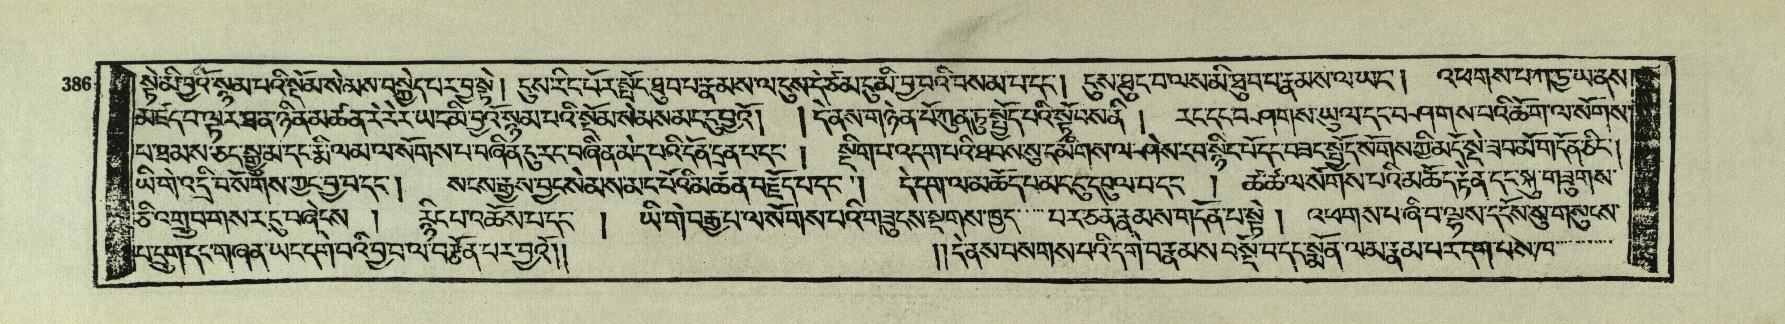སྟེ་མི་བྱའོ་སྙམ་པའི་སྡོམ་སེམས་བསྐྱེད་པར་བྱ་སྟེ། དུས་རིང་པོར་སྤོང་ཐུབ་པ་རྣམས་ལ་དུས་དེ་ཙམ་དུ་མི་བྱ་བའི་བསམ་པ་དང་། དུས་ཐུང་བ་ལས་མི་ཐུབ་པ་རྣམས་ལ་ཡང་། འཕགས་པ་ཀ་དྱ་ཡ་ནས་
མཛད་པ་ལྟར་ཐ་ན་ཉིན་མཚན་རེ་རེར་ཡང་མི་བྱའོ་སྙམ་པའི་སྡོམ་སེམས་མང་དུ་བྱའོ། །དེ་ནས་གཉེན་པོ་ཀུན་ཏུ་སྤྱོད་པའི་སྟོབས་ནི། རང་དང་བཤགས་ཡུལ་དང་བཤགས་པའི་ཆོ་ག་ལ་སོགས་
པ་ཐམས་ཅད་སྒྱུ་མ་དང་རྨི་ལམ་ལ་སོགས་པ་བཞིན་དུ་རང་བཞིན་མེད་པའི་དོན་དྲན་པ་དང་། སྡིག་པ་འདག་པའི་ཐབས་སུ་དམིགས་ལ་ཤེས་རབ་སྙིང་པོ་དང་བཟང་སྤྱོད་སོགས་ཀྱི་མདོ་སྡེ་ཟབ་མོ་གདོན་ཅིང་།
ཡི་གེ་འདྲི་བ་སོགས་ཀྱང་བྱ་བ་དང་། སངས་རྒྱས་བྱང་སེམས་མང་པོའི་མཚན་བརྗོད་པ་དང་། དེ་དག་ལ་མཆོད་པ་མང་དུ་དབུལ་བ་དང་། ཚ་ཚ་ལ་སོགས་པའི་མཆོད་རྟེན་དང་སྐུ་གཟུགས་
ཅི་འགྲུབ་གསར་དུ་བཞེངས། རྙིང་པ་འཆོས་པ་དང་། ཡི་གེ་བརྒྱ་པ་ལ་སོགས་པའི་གཟུངས་སྔགས་ཁྱད་པར་ཅན་རྣམས་གདོན་པ་སྟེ། འཕགས་པ་ཞི་བ་ལྷས་དངོས་སུ་གསུངས་
པ་དྲུག་དང་གཞན་ཡང་དགེ་བའི་བྱ་བ་ལ་བརྩོན་པར་བྱའོ།། །།དེ་ནས་བསགས་པའི་དགེ་བ་རྣམས་བསྡོ་བ་དང་སྨོན་ལམ་རྣམ་པར་དག་པས་ཁ་